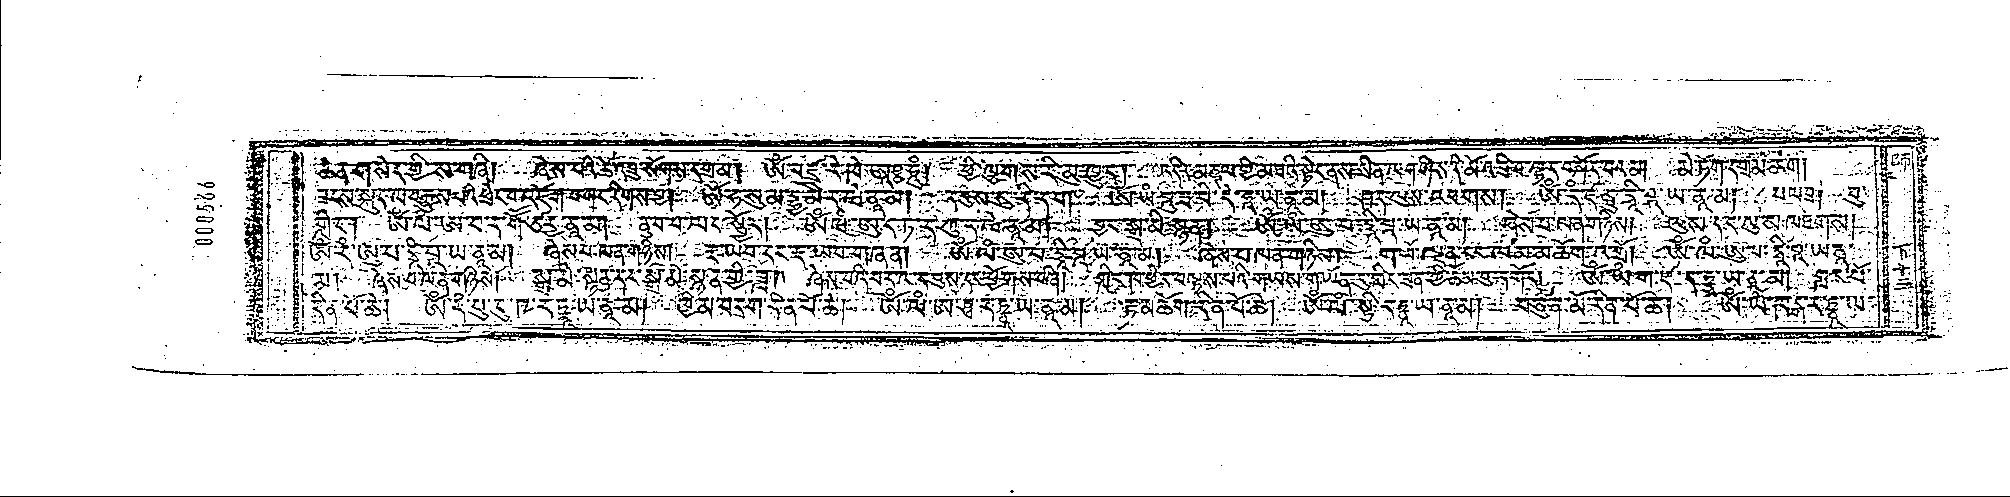ཆེན་གསེར་གྱི་ས་གཞི། ཞེས་པའི་ཚེ་འབྲུ་སགས་དགྲམ། ཨོཾ་བཛྲ་རེ་ཁེ་ཨཱཿ་ཧཱུཾ། ཕྱི་ལྕགས་རི་མུ་ཁྱུད། འདིར་མཎྜལ་གྱི་མཐའི་སྟེང་ནས་སྲིན་ལག་གིས་རི་མོ་འབྲི་བ་ལྟར་བསྐོར་བའམ། མེ་ཏོག་དགྲ་མཆག།
ཟངས་སྐུད་ལ་བརྒྱུས་པའི་ཕྲེང་བ་འཇོག་བ་གང་རིགས་བྱ། ཨོཾ་ཧ་སུ་མ་དྷྱ་མཻ་ར་ཝེ་ནཱ་མ། དབུས་སུ་རི་རབ། ཨོཾ་ཡཾ་བཱུརྦ་བི་ད་ཧཱ་ཡ་ནཱ་མ། ཤར་ལུས་འཕགས། ཨོཾ་རཾ་ཛམྦུ་དྭཱི་བཱ་ཡ་ནཱ་མ། པལ་བྲ། བུ་
གླིང་། ཨོཾ་ལཾ་ཨ་བ་ར་གཽ་ཙརྱ་ནཱ་མ། ནུབ་བ་ལང་སྤྱོད། ཨོཾ་ཝཾ་ཨུ་ད་ཏ་ར་ཀུ་ར་ཝེ་ནཱ་མ། བྱང་སྒྲ་མི་སྙན། ཨོཾ་ཡཾ་ཨུ་པ་དྭཱི་པཱ་ཡ་ནཱ་མ། ཞེས་པ་ལན་གཉིས། ལུས་དང་ལུས་འཕགས།
ཨོཾ་རཾ་ཨུ་པ་དྭཱི་པཱ་ཡ་ནཱ་མ། ཞེས་པ་ལན་གཉིས། རྔ་ཡབ་དང་རྔ་ཡབ་གཞན། ཨོཾ་ལཾ་ཨུ་པ་དྭཱི་པཱ་ཡ་ནཱ་མ། ཞེས་པ་ལན་གཉིས། གཡོ་ལྡན་དང་ལམ་མཆོག་འགྲོ། ཨོཾ་ལཾ་ཨུ་པ་དྭཱི་པཱ་ཡ་ནཱ་
མ། ཞེས་བ་ལན་གཉིས། སྒྲ་མི་སྙན་དང་སྒྲ་མི་སྙན་གྱི་ཟླ། ཞེས་པའི་བར་ལ་དབུས་དང་ཕྱོགས་བཞི། གླིང་ཁ་ཕྱིར་བལྟས་པའི་གཡས་གཡོན་དུ་གླིང་ཕྲན་གྱི་ཚོམ་བུ་དགོད། ཨོཾ་ཡཾ་ག་ཛ་ད་ཏྣཱ་ཡ་ནཱ་མ། གླང་པོ་
རིན་པོ་ཆེ། ཨོཾ་རཾ་པུ་རུ་ཥ་རཏྣཱ་ཡ་ནཱ་མ། ཁྱིམ་བདག་རིན་པོ་ཆེ། ཨོཾ་ལཾ་ཨ་ཤྭ་རཏྣཱ་ཡ་ནཱ་མ། རྟ་མཆོག་རིན་པོ་ཆེ། ཨོཾ་ལཾ་སྟྲི་རཏྣཱ་ཡ་ནཱ་མ། བཙུན་མོ་རིན་པོ་ཆེ། ཨོཾ་ཡཾ་ཁངྒ་ར་ཏྣཱ་ཡ་